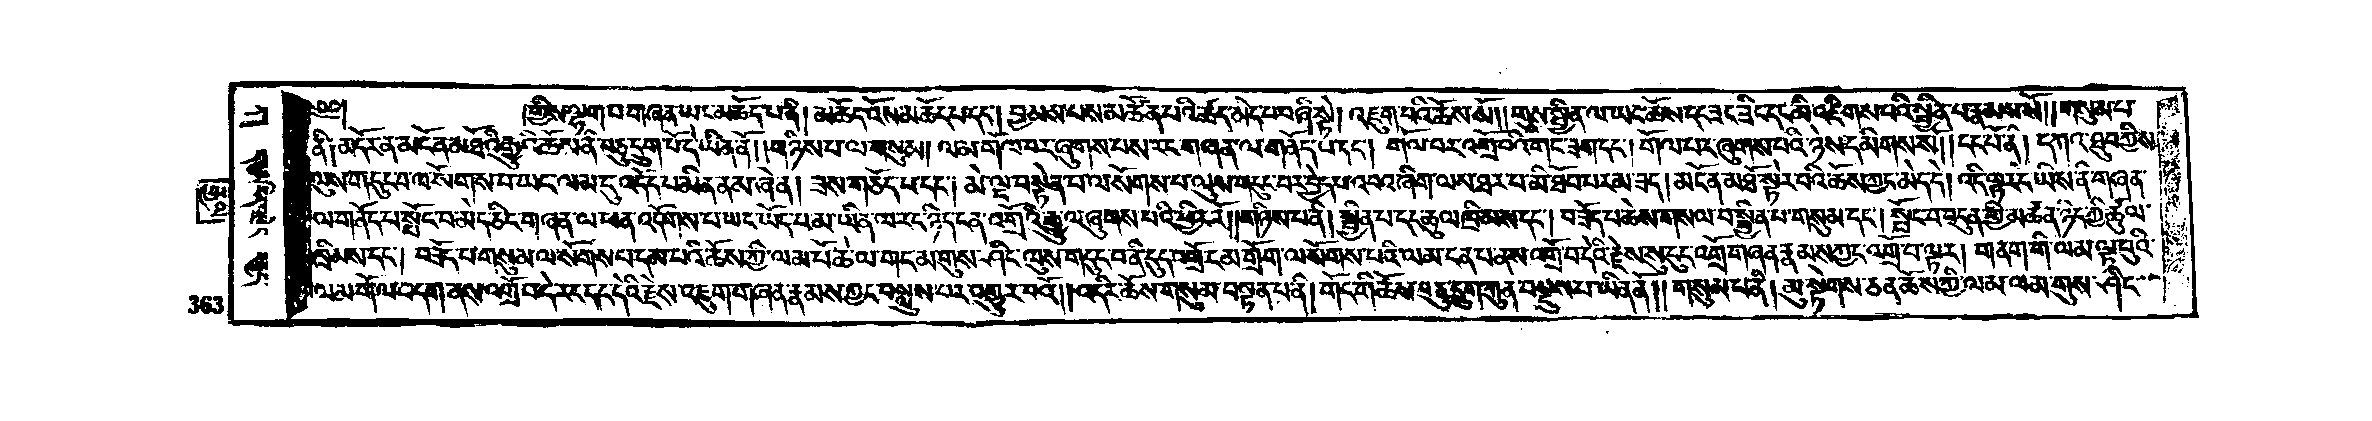༄༅། །གྱིས་ལྷག་པ་གཞན་ཡང་མཆོད་པ་ནི། མཆོད་འོས་མཆོད་པ་དང་། བྱམས་པས་མཚོན་པའི་ཚད་མེད་པ་བཞི་སྟེ། འཇུག་པའི་ཆོས་སོ། །གུས་སྦྱིན་ལ་ཡང་ཆོས་དང་ཟང་ཟིང་དང་མི་འཇིགས་པའི་སྦྱིན་པ་རྣམས་སོ། །གསུམ་པ་
ནི། མདོར་ན་མངོན་མཐོའི་རྒྱུའི་ཆོས་ནི་བཅུ་དྲུག་པོ་དེ་ཡིན་ནོ། །གཉིས་པ་ལ་གསུམ། ལམ་གོལ་བར་ཞུགས་པས་རང་གཞན་ལ་གནོད་པ་དང་། གོལ་བར་འགྲོ་བའི་གང་ཟག་དང་། གོལ་བར་ཞུགས་པའི་ཉེས་དམིགས་སོ། །དང་པོ་ནི། དཀའ་ཐུབ་ཀྱིས་
ལུས་གདུང་བ་ལ་སོགས་པ་ཡང་ལམ་དུ་འདོད་པ་མིན་ནམ་ཞེ་ན། ཟས་གཅོད་པ་དང་། མེ་ལྔ་བསྟེན་པ་ལ་སོགས་པ་ལུས་གདུང་བར་བྱེད་པ་འབའ་ཞིག་ལས་ཐར་པ་མི་ཐོབ་པར་མ་ཟད། མངོན་མཐོ་སྟེར་བའི་ཆོས་ཀྱང་མེད་དེ། འདི་ལྟར་དེ་ཡིས་ནི་གཞན་
ལ་གནོད་པ་སྤོང་བ་མེད་ཅིང་གཞན་ལ་ཕན་འདོགས་པ་ཡང་ཡོད་པ་མ་ཡིན་ལ་རང་ཉིད་ངན་འགྲོའི་རྒྱུ་ལ་ཞུགས་པའི་ཕྱིར་རོ། །གཉིས་པ་ནི། སྦྱིན་པ་དང་ཚུལ་ཁྲིམས་དང་། བཟོད་པ་ཆེས་གསལ་བ་སྦྱིན་པ་གསུམ་དང་། སྤོང་བ་བདུན་གྱི་མཚན་ཉིད་ཀྱི་ཚུལ་
ཁྲིམས་དང་། བཟོད་པ་གསུམ་ལ་སོགས་པ་དམ་པའི་ཆོས་ཀྱི་ལམ་པོ་ཆེ་ལ་གང་མ་གུས་ཤིང་ལུས་གདུང་བ་ནི་དུད་འགྲོ་ངམ་གྲོག་ལ་སོགས་པའི་ལམ་ངན་པ་ནས་འགྲོ་བ་དེའི་རྗེས་སུ་དུད་འགྲོ་གཞན་རྣམས་ཀྱང་འགྲོ་བ་ལྟར། གནག་གི་ལམ་ལྟ་བུའི་
ལམ་གོལ་བདག་ནས་འགྲོ་བ་དེ་རང་དང་དེའི་རྗེས་འཇུག་གཞན་རྣམས་ཀྱང་བསླུས་པར་འགྱུར་བའོ། །འདིར་ཆོས་གསུམ་བསྟན་པ་ནི། གོང་གི་ཆོས་བཅུ་དྲུག་ཀུན་བསྡུས་པ་ཡིན་ནོ། །གསུམ་པ་ནི། མུ་སྟེགས་ཅན་ཆོས་ཀྱི་ལམ་ལམ་གུས་ཤིང་